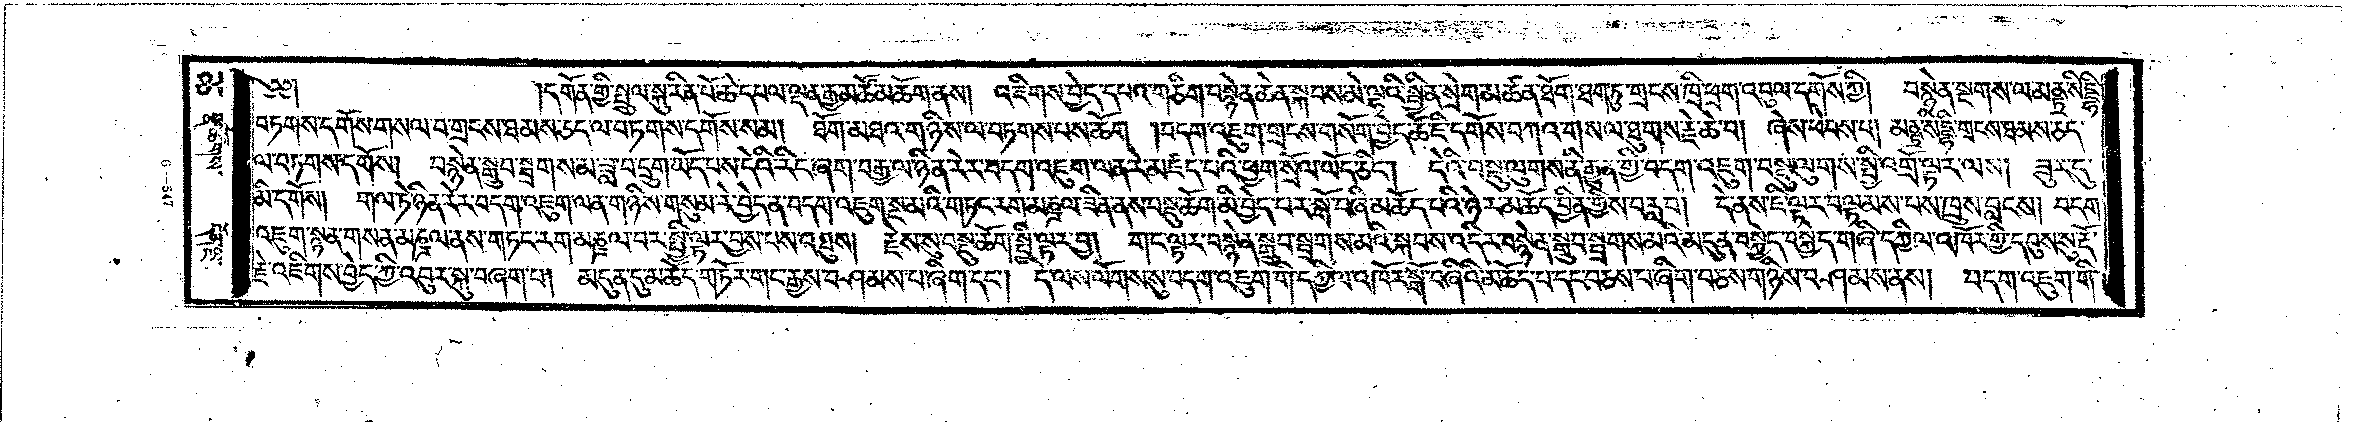༄༅། །དགོན་གྱི་སྤྲུལ་སྐུ་རིན་པོ་ཆེ་དཔལ་ལྡན་རྒྱ་མཚོ་མཆོག་ནས། འཇིགས་བྱེད་དཔའ་གཅིག་བསྙེན་ཆེན་སྐབས་མེ་ལྷའི་སྦྱིན་སྲེག་མཚན་ཐོག་ཐག་ཏུ་གྲངས་ཁྲི་ཕྲག་འབུལ་དགོས་ཀྱི། བསྙེན་སྔགས་ལ་མནྟྲ་སིདྡྷི་
བཏགས་དགོས་གསལ་བ་གྲངས་ཐམས་ཅད་ལ་བཏགས་དགོས་སམ། ཐོག་མཐའ་གཉིས་ལ་བཏགས་པས་ཆོག །བདག་འཇུག་གྲངས་གསོག་བྱེད་ཆོ་ཇི་དགོས་བཀའ་གསལ་ཐུགས་རྗེ་ཆེ་བ། ཞེས་ཕེབས་པ། མནྟྲ་སིདྡྷི་གྲངས་ཐམས་ཅད་
ལ་བཏགས་དགོས། བསྙེན་སྒྲུབ་སྦྲགས་མ་ཟླ་བ་དྲུག་ཡོད་པས་དེའི་རིང་ཞག་བརྒྱ་ལ་ཉིན་རེར་བདག་འཇུག་ལན་རེ་མཛད་པའི་ཕྱག་སྲོལ་ཡོད་ཅིང་། དེའི་བསྡུ་ལུགས་ནི་རྒྱུན་གྱི་བདག་འཇུག་བསྡུ་ལུགས་སྤྱི་འགྲོ་ལྟར་ལས། ཟུར་དུ་
མི་དགོས། གལ་ཏེ་ཉིན་རེར་བདག་འཇུག་ལན་གཉིས་གསུམ་རེ་བྱེད་ན་བདག་འཇུག་སྔ་མའི་གཏང་རག་མཎྜལ་ཟིན་ནས་བསྡུ་ཆོག་མི་བྱེད་པར་སྒོ་བཞི་མཆོད་པའི་ཉེར་མཆོད་བྱིན་གྱིས་བརླབ། དེ་ནས་ཇི་ལྟར་བལྟམས་པས་ཁྲུས་བླངས། བདག་
འཇུག་སྙན་གསན་མཎྜལ་ནས་གཏང་རག་མཎྜལ་བར་སྤྱི་ལྟར་བྱས་པས་འཐུས། རྗེས་སུ་བསྡུ་ཆོག་སྤྱི་ལྟར་བྱ། གང་ལྟར་བསྙེན་སྒྲུབ་སྦྲགས་མའི་སྐབས་འདིར་བསྙེན་སྒྲུབ་སྦྲགས་མའི་མདུན་བསྐྱེད་བསྐྱེད་གཞི་དཀྱིལ་འཁོར་གྱི་དབུས་སུ་རྡོ་
རྗེ་འཇིགས་བྱེད་ཀྱི་འབུར་སྐུ་བཞག་པ། མདུན་དུ་མཆོད་གཏོར་གང་རྒྱས་བཤམས་པ་ཞིག་དང་། དེ་ལས་ལོགས་སུ་བདག་འཇུག་གི་དཀྱིལ་འཁོར་སྒོ་བཞིའི་མཆོད་པ་དང་བཅས་པ་ཞིག་བཅས་གཉིས་བཤམས་ནས། བདག་འཇུག་གི་